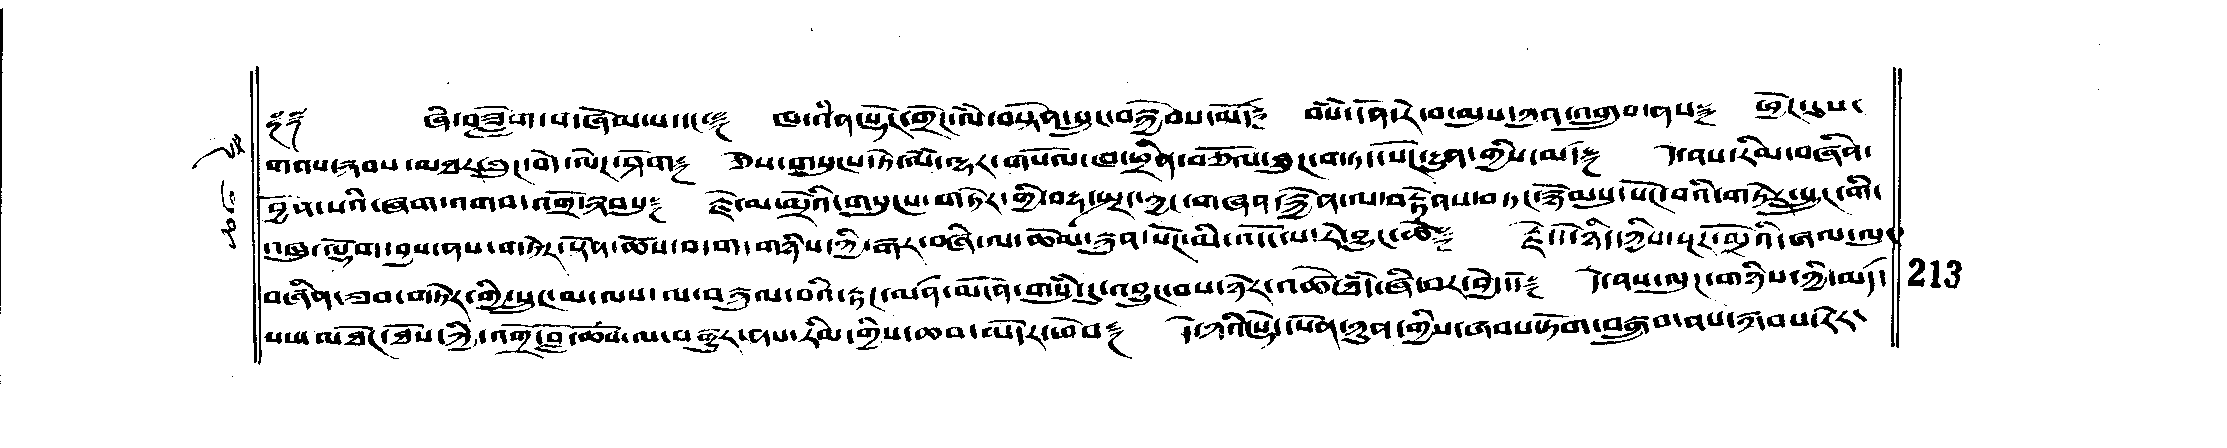ཞི་བཟློག་གཞོམ་པ་དང་། ཁ་འཛིན་སྡོང་གྲོགས་ལམ་བསྟོན་སྲུང་བསྐྱོབས་མཛོད། །བསམ་དོན་རེ་བ་མ་ལུས་ཀུན་འགྲུབ་ནས། །ཕྱོགས་དུས་
གནས་སྐབས་མཐར་ཐུག་བདེ་ལེགས་ཤོག །ཅེས་གསུངས་ཏེ་ལམ་ལྷར་གསོལ་ཁ་ཕྲིན་བཅོལ་ཐུགས་གཏད་སོགས་རྒྱུན་གྱིས་མཛད། དེ་ནས་རིམ་བཞིན་
བྱོན་པའི་ཞག་འགའ་འགྲོ་སྐབས་སུ། རྗེ་མ་མཁའ་འགྲོའི་གསུང་གཏེར་གྱི་བརྡ་སྤྲད་ཀྱང་གཞན་རྐྱེན་ལ་བརྟེན་ནས་བཏང་སྙོམས་སུ་སོང་བའི་གཏེར་སྲུང་གི་
འཁུ་སྡོག་བྱས་ནས་གཏེར་སྟོན་ཆོས་བདག་གཉིས་ཀྱི་སྒར་གཞི་ལ་ཆོམ་རྐུན་སོགས་མི་འདོད་པ་རེ་བྱུང་ཚེ། རྗེ་དེ་ཉིད་ཀྱིས་སྔར་མཁའ་འགྲོའི་ཞལ་ལུང་
བཞིན་ཟབ་གཏེར་གྱི་སྲུང་མ་ལས་ལ་བསྐུལ་བའི་རྟགས་མཚན་མངོན་སུམ་དུ་འབྱུང་བས་ཉེར་འཚེ་ཐམས་ཅད་ཞི་བར་བྱེད་དོ། དེ་ནས་ལུགས་གཉིས་ཀྱི་མཛད་
པས་མཐོང་ཐོས་ཀྱི་འགྲོ་བློ་ཆོས་ལ་བསྒྱུར་ནས་རིམ་གྱིས་ཆབ་མདོར་ཕེབས། དེ་ཀའི་སྡེ་དཔོན་ཀུན་གྱིས་ཞབས་ཏོག་བསྒྲུབ་ནས་སྐབས་རེར་